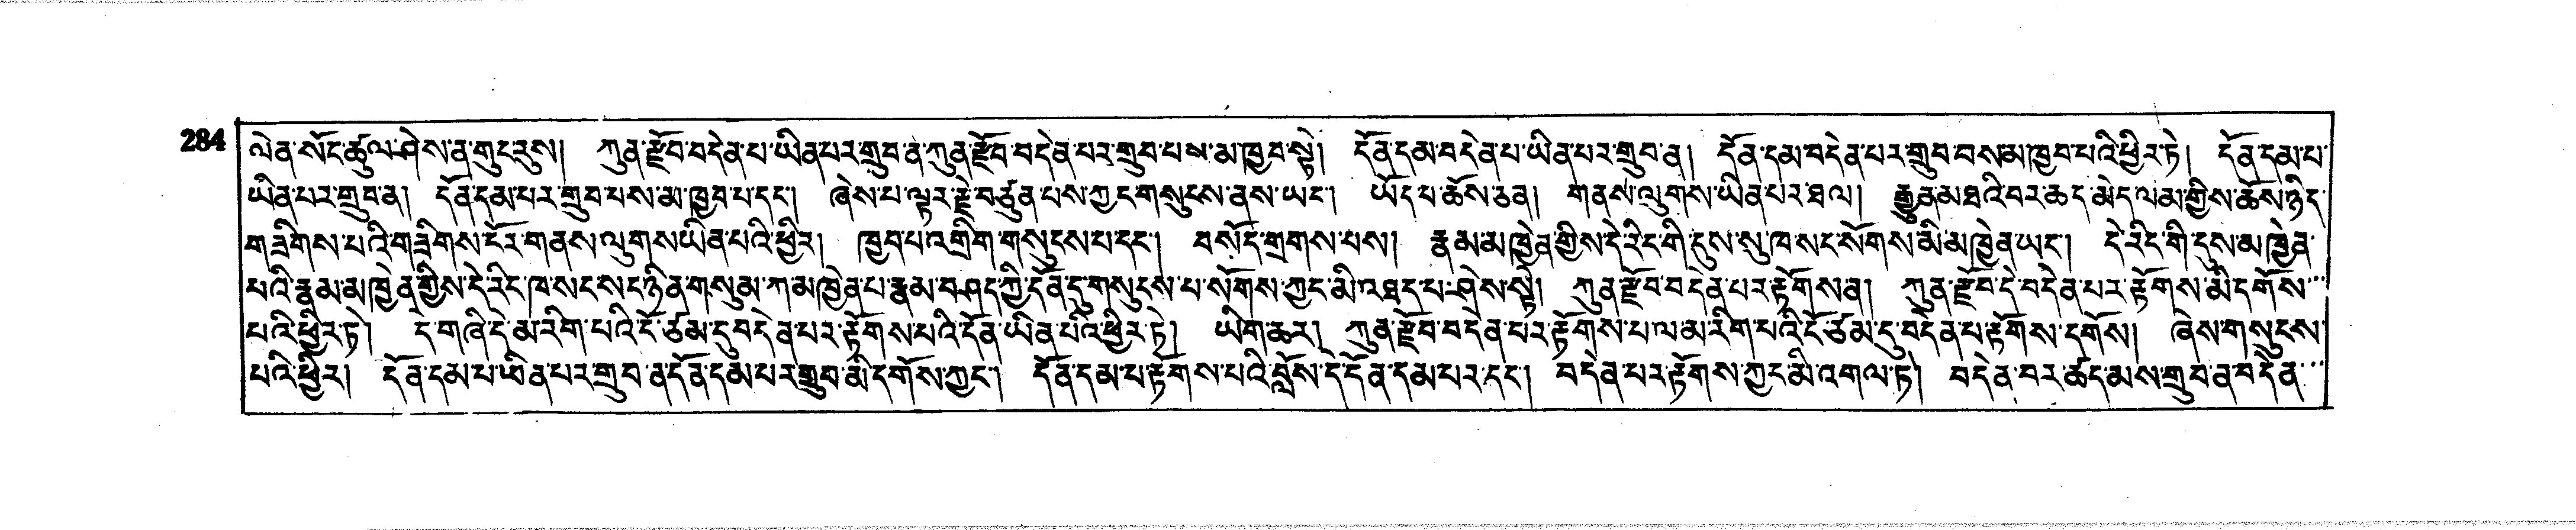ལེན་སོང་ཚུལ་ཤེས་ན་གུང་རུས། ཀུན་རྫོབ་བདེན་པ་ཡིན་པར་གྲུབ་ན་ཀུན་རྫོབ་བདེན་པར་གྲུབ་པས་མ་ཁྱབ་སྟེ། དོན་དམ་བདེན་པ་ཡིན་པར་གྲུབ་ན། དོན་དམ་བདེན་པར་གྲུབ་བས་མ་ཁྱབ་པའི་ཕྱིར་ཏེ། དོན་དམ་པ་
ཡིན་པར་གྲུབ་ན། དོན་དམ་པར་གྲུབ་པས་མ་ཁྱབ་པ་དང་། ཞེས་པ་ལྟར་རྗེ་བཙུན་པས་ཀྱང་གསུངས་ནས་ཡང་། ཡོད་པ་ཆོས་ཅན། གནས་ལུགས་ཡིན་པར་ཐལ། རྒྱུན་མཐའི་བར་ཆད་མེད་ལམ་གྱིས་ཆོས་ཉིད་
གཟིགས་པའི་གཟིགས་ངོར་གནས་ལུགས་ཡིན་པའི་ཕྱིར། ཁྱབ་པ་འགྲིག་གསུངས་པ་དང་། བསོད་གྲགས་པས། རྣམ་མཁྱེན་གྱིས་དེ་རིང་གི་དུས་སུ་ཁ་སང་སོགས་མི་མཁྱེན་ཡང་། དེ་རིང་གི་དུས་མཁྱེན་
པའི་རྣམ་མཁྱེན་གྱིས་དེ་རིང་ཁ་སང་སང་ཉིན་གསུམ་ཀ་མཁྱེན་པ་རྣམ་བཤད་ཀྱི་དོན་དུ་གསུངས་པ་སོགས་ཀྱང་མི་འཐད་པ་ཤེས་སྟེ། ཀུན་རྫོབ་བདེན་པར་རྟོགས་ན། ཀུན་རྫོབ་དེ་བདེན་པར་རྟོགས་མི་དགོས་
པའི་ཕྱིར་ཏེ། དེ་གཞི་དེ་མ་རིག་པའི་ངོ་ཙམ་དུ་བདེན་པར་རྟོགས་པའི་དོན་ཡིན་པའི་ཕྱིར་ཏེ། ཡིག་ཆར། ཀུན་རྫོབ་བདེན་པར་རྟོགས་པ་ལ་མ་རིག་པའི་ངོ་ཙམ་དུ་བདེན་པ་རྟོགས་དགོས། ཞེས་གསུངས་
པའི་ཕྱིར། དོན་དམ་པ་ཡིན་པར་གྲུབ་ན་དོན་དམ་པར་གྲུབ་མི་དགོས་ཀྱང་། དོན་དམ་པ་རྟོགས་པའི་བློས་དེ་དོན་དམ་པར་དང་། བདེན་པར་རྟོགས་ཀྱང་མི་འགལ་ཏེ། བདེན་བར་ཚད་མས་གྲུབ་ན་བདེན་